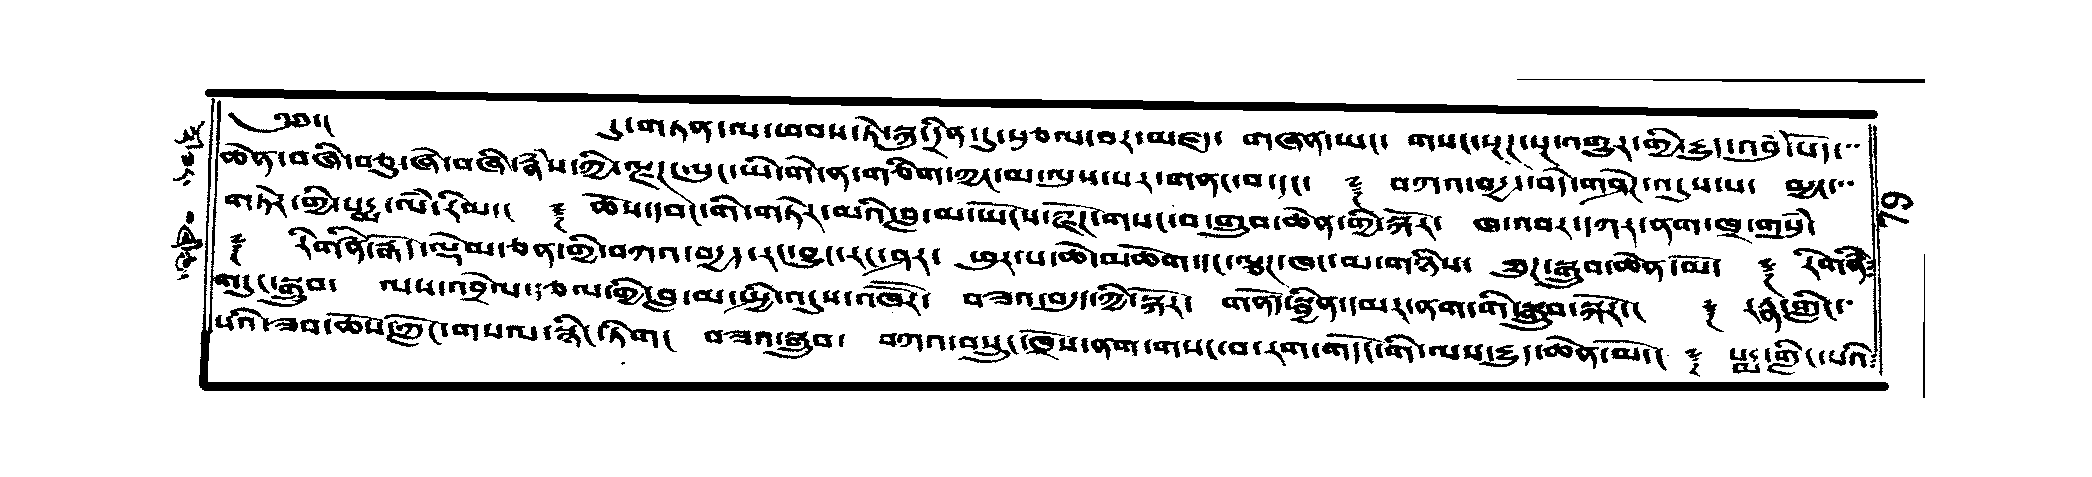དུ་གཏན་ལ་ཕབས་ཏེ་སྐུ་དྲིན་དུ་སྩོལ་བར་མཛད། གཞན་ཡང་། གསང་སྔགས་སྔ་འགྱུར་གྱི་རྒྱུད་འབུམ་པོད་
ཆེན་བཞི་བཅུ་ཞེ་བཞི་རྣམས་ཀྱི་ལྗགས་ལུང་ཡི་གེ་ན་གཅིག་ཀྱང་མ་ལུས་པར་གནང་བ་དང་། ༈ བཀའ་བརྒྱད་བདེ་གཤེགས་འདུས་པ། མྱང་
གཏེར་གྱི་པདྨ་ལམ་རིམ། ༈ ཆོས་དབང་གི་གཏེར་མའི་བླ་མ་ཡོངས་རྫོགས་གསང་བ་གྲུབ་ཆེན་གྱི་སྐོར། ཁ་འབར་དཀར་ནག་ཁྲ་གསུམ། 
༈ རིག་འཛིན་རྒོད་ལྡེམ་ཅན་གྱི་བཀའ་བརྒྱད་རང་བྱུང་རང་ཤར། ཕུར་པ་ཆེ་མཆོག་དང་ལྕགས་ཁང་མ་གཉིས། ཐུགས་སྒྲུབ་ཆེན་མོ། ༈ རིག་འཛིན་
གདུང་སྒྲུབ། ལས་འབྲེལ་རྩལ་གྱི་བླ་མ་སྤྱི་འདུས་འཁོར་ལོ།གཟའ་བདུད་ཀྱི་སྐོར། གནོད་སྦྱིན་དམར་ནག་གི་སྒྲུབ་སྐོར། ༈ རཏྣ་གླིང་
པའི་ཟབ་ཆོས་ཀློང་གསལ་སྙིང་ཏིག གཟའ་སྒྲུབ། བཀའ་སྲུང་ཁྲོས་ནག གསང་བ་རག་གདོང་གི་ལས་རྒྱུད་ཆེན་མོ། ༈ པདྨ་གླིང་པའི་